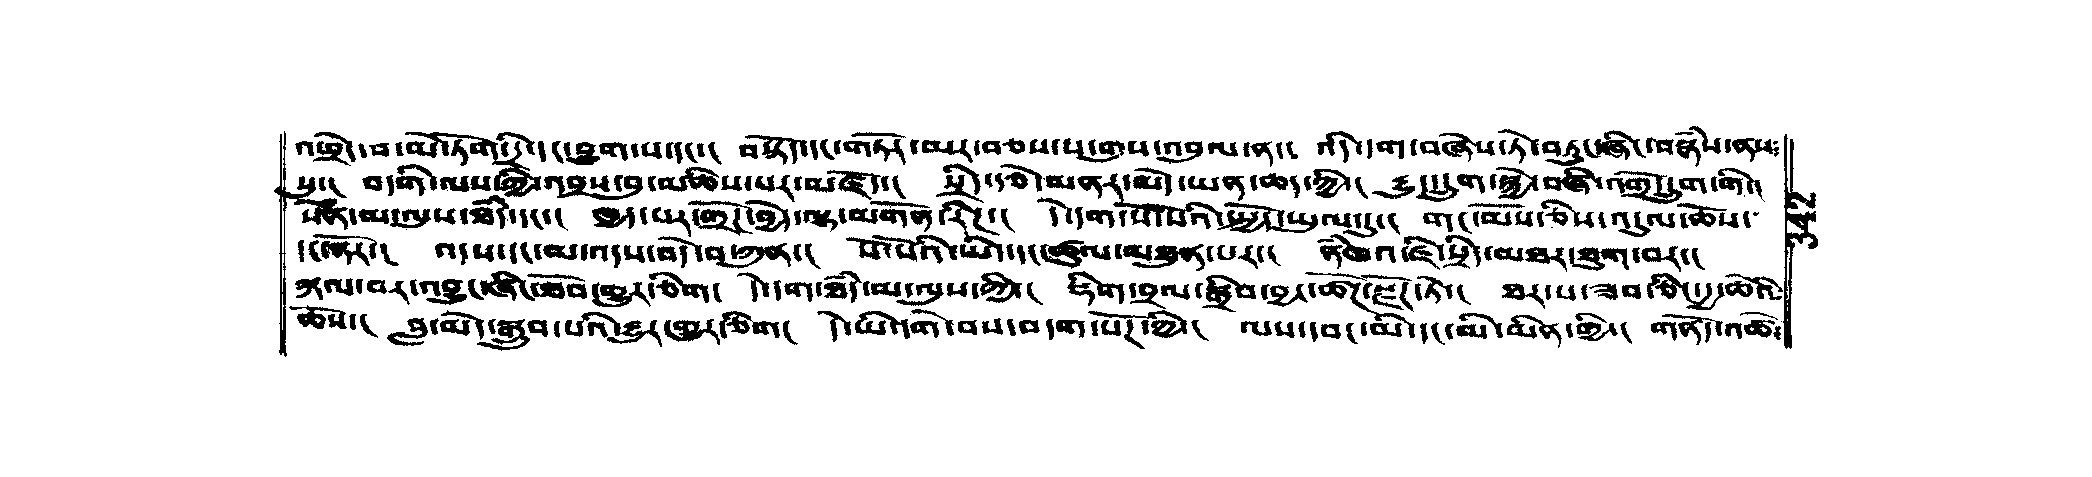།འཕྲེང་བ་མེ་ཏོག་དྲི་དང་བྱུག་པ་དང་། །བསྟོད་དང་གཏོར་མར་བཅས་པ་གུས་འབུལ་ན། །འདི་དག་བཞེས་ཏེ་བཏུང་ཤིང་བསྣམས་ནས་
སུ། །བདག་གི་ལས་ཀྱི་འབྲས་བུ་མཆིས་པར་མཛོད། །སྲིད་རྩེ་གནར་མེད་ཡན་ཆད་ཀྱི། རྒྱུད་དྲུག་སྐྱེ་བཞི་འགྲོ་དྲུག་གི། །
སེམས་ཅན་མ་ལུས་ཐམས་ཅད་དང་། །ཁྱད་པར་གྲོགས་བྱེད་ལྷ་མགོན་རིགས། །དེ་དག་སོ་སོའི་སྤྱོད་ཡུལ་དུ། །གང་མོས་ཅིས་འདུལ་ཆོས་
དང་ནོར། །འདས་དང་མ་འདས་བདེ་བ་ཀུན། །སོ་སོའི་ཡིད་དང་ཚུལ་མཐུན་པར། །ནམ་མཁའ་ཇི་སྲིད་མཐར་ཐུག་བར། །
སྐལ་བར་འབྱུང་ཞིང་ཐོབ་གྱུར་ཅིག།དེ་དག་ཐམས་ཅད་མ་ལུས་ཀྱི། །སྡིག་བྲལ་སྒྲིབ་བྱང་ཚོགས་རྫོགས་ཏེ། །ཐར་པ་ཟབ་ཅིང་རྒྱ་ཆེའི་
ཆོས། །བླ་མེད་སྒྲུབ་པའི་རྒྱུ་གྱུར་ཅིག །དེ་ཡི་དགེ་བས་བདག་སོགས་ཀྱི། །ལས་དབང་མི་དང་མི་མིན་གྱི། །གནོད་འཚེ་